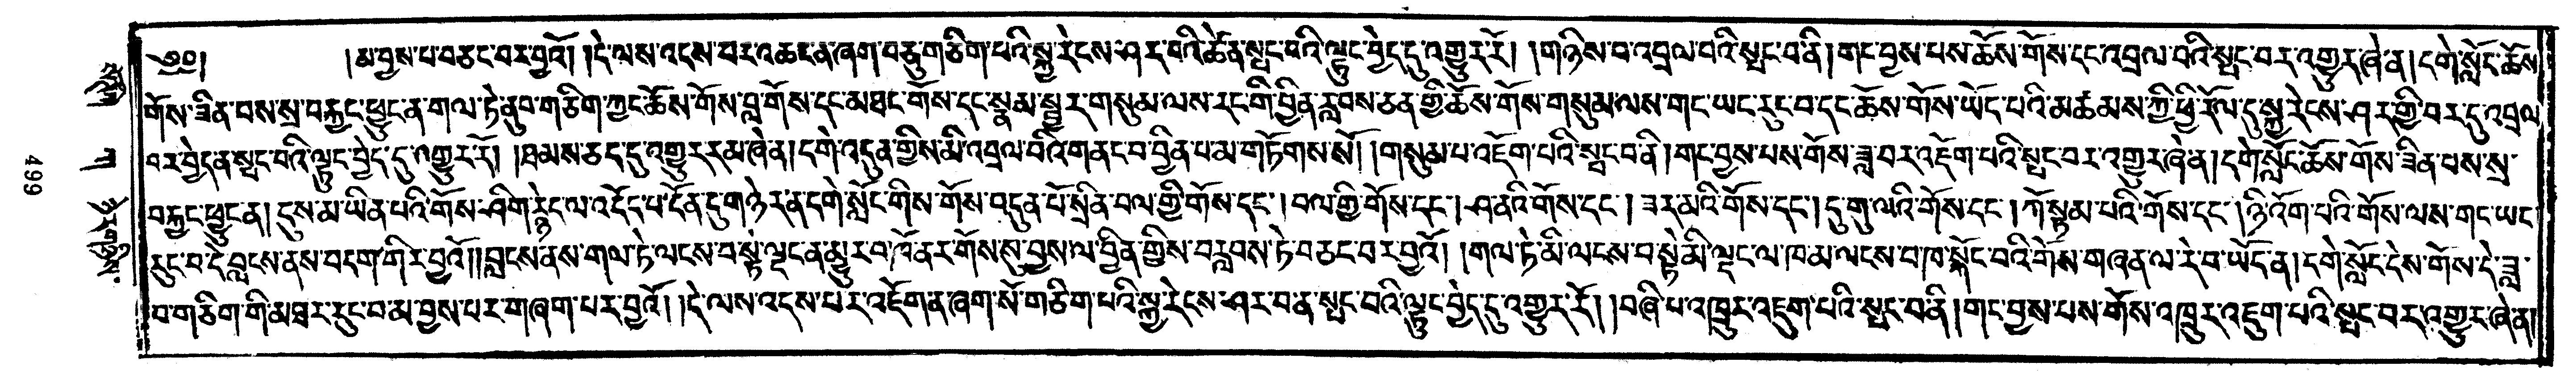༄༅། །མ་བྱས་པ་བཅང་བར་བྱའོ། །དེ་ལས་འདས་བར་འཆང་ན་ཞག་བཅུ་གཅིག་པའི་སྐྱ་རེངས་ཤར་བའི་ཚེ་ན་སྤང་བའི་ལྟུང་བྱེད་དུ་འགྱུར་རོ། །གཉིས་བ་འབྲལ་བའི་སྤང་བ་ནི། གང་བྱས་པས་ཆོས་གོས་དང་འབྲལ་བའི་སྤང་བར་འགྱུར་ཞེ་ན། དགེ་སློང་ཆོས་
གོས་ཟིན་བས་སྲ་བརྐྱང་ཕྱུང་ན་གལ་ཏེ་ནུབ་གཅིག་ཀྱང་ཆོས་གོས་བླ་གོས་དང་མཐང་གོས་དང་སྣམ་སྦྱར་གསུམ་ལས་རང་གི་བྱིན་རླབས་ཅན་གྱི་ཆོས་གོས་གསུམ་ལས་གང་ཡང་རུང་བ་དང་ཆོས་གོས་ཡོད་པའི་མཚམས་ཀྱི་ཕྱི་རོལ་དུ་སྐྱ་རེངས་ཤར་གྱི་བར་དུ་འབྲལ་
བར་བྱེད་ན་སྤང་བའི་ལྟུང་བྱེད་དུ་འགྱུར་རོ། །ཐམས་ཅད་དུ་འགྱུར་རམ་ཞེ་ན། དགེ་འདུན་གྱིས་མི་འབྲལ་བའི་གནང་བ་བྱིན་པ་མ་གཏོགས་སོ། །གསུམ་པ་འཇོག་པའི་སྤང་བ་ནི། གང་བྱས་པས་གོས་ཟླ་བར་འཇོག་པའི་སྤང་བར་འགྱུར་ཞེ་ན། དགེ་སློང་ཆོས་གོས་ཟིན་བས་སྲ་
བརྐྱང་ཕྱུང་ན། དུས་མ་ཡིན་པའི་གོས་ཤིག་རྙེད་ལ་འདོད་པ་དོན་དུ་གཉེར་ན་དགེ་སློང་གིས་གོས་འདུན་པོ་སྲིན་བལ་གྱི་གོས་དང་། བལ་གྱི་གོས་དང་། ཤ་ནའི་གོས་དང་། ཟར་མའི་གོས་དང་། དུ་གུ་ལའི་གོས་དང་། ཀོ་སྟམ་པའི་གོས་དང་། ཉི་འོག་པའི་གོས་ལས་གང་ཡང་
རུང་བ་དེ་བླངས་ནས་བདག་གིར་བྱའོ། །བླངས་ནས་གལ་ཏེ་ལངས་བ་སྟེ་ལྡང་མྱུར་བ་ཁོ་ནར་གོས་སུ་བྱས་ལ་བྱིན་གྱིས་བརླབས་ཏེ་བཅང་བར་བྱའོ། །གལ་ཏེ་མི་ལངས་བ་སྟེ་མི་ལྡང་ལ་ཁ་མ་ལངས་བ་ཁ་སྐོང་བའི་གོས་གཞན་ལ་རེ་བ་ཡོད་ན། དགེ་སློང་དེས་གོས་དེ་ཟླ་
བ་གཅིག་གི་མཐར་རུང་བ་མ་བྱས་པར་གཞག་པར་བྱའོ། །དེ་ལས་འདས་པར་འཇོག་ན་ཞག་སོ་གཅིག་པའི་སྐྱ་རེངས་ཤར་བ་ན་སྤང་བའི་ལྟུང་བྱེད་དུ་འགྱུར་རོ། །བཞི་པ་འཁྲུར་འཇུག་པའི་སྤང་བ་ནི། གང་བྱས་པས་གོས་འཁྲུར་འཇུག་པའི་སྤང་བར་འགྱུར་ཞེ་ན།